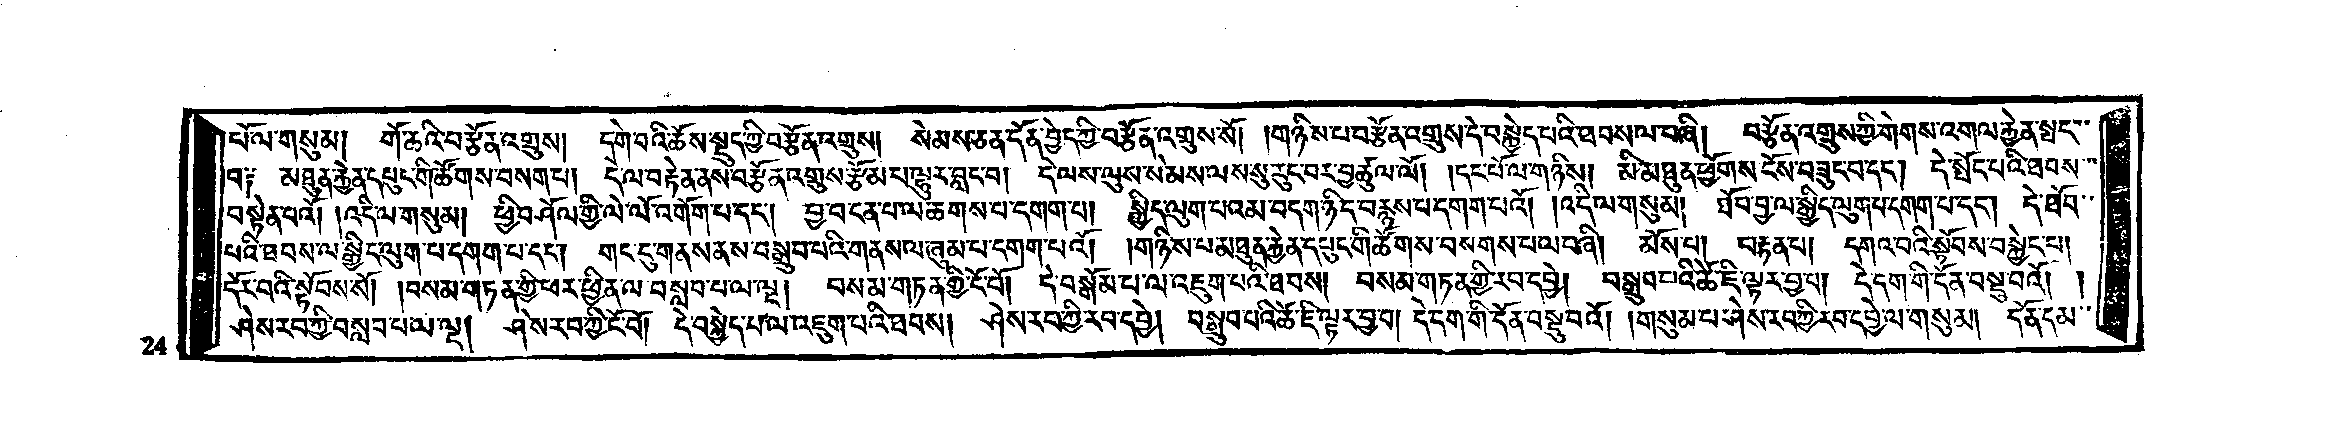པོ་ལ་གསུམ། གོ་ཆའི་བརྩོན་འགྲུས། དགེ་བའི་ཆོས་སྡུད་ཀྱི་བརྩོན་འགྲུས། སེམས་ཅན་དོན་བྱེད་ཀྱི་བརྩོན་འགྲུས་སོ། །གཉིས་པ་བརྩོན་འགྲུས་དེ་བསྐྱེད་པའི་ཐབས་ལ་བཞི། བརྩོན་འགྲུས་ཀྱི་གེགས་འགལ་རྐྱེན་སྤང་
བ༑ མཐུན་རྐྱེན་དཔུང་གི་ཚོགས་བསག་པ། དེ་ལ་བརྟེན་ནས་བརྩོན་འགྲུས་རྩོམ་པ་ལྷུར་བླང་བ། དེ་ལས་ལུས་སེམས་ལས་སུ་རུང་བར་བྱ་ཚུལ་ལོ། །དང་པོ་ལ་གཉིས། མི་མཐུན་ཕྱོགས་ངོས་བཟུང་བ་དང་། དེ་སྤོང་པའི་ཐབས་
བསྟེན་པའོ། །འདི་ལ་གསུམ། ཕྱི་བཤོལ་གྱི་ལེ་ལོ་འགོག་པ་དང་། བྱ་བ་ངན་པ་ལ་ཆགས་པ་དགག་པ། སྒྱིད་ལུག་པའམ་བདག་ཉིད་བརྙས་པ་དགག་པའོ། །འདི་ལ་གསུམ། ཐོབ་བྱ་ལ་སྒྱིད་ལུག་པ་དགག་པ་དང་། དེ་ཐོབ་
པའི་ཐབས་ལ་སྒྱིད་ལུག་པ་དགག་པ་དང་། གང་དུ་གནས་ནས་བསྒྲུབ་པའི་གནས་ལ་ཞུམ་པ་དགག་པའོ། །གཉིས་པ་མཐུན་རྐྱེན་དཔུང་གི་ཚོགས་བསགས་པ་ལ་བཞི། མོས་པ། བརྟན་པ། དགའ་བའི་སྟོབས་བསྐྱེད་པ།
དོར་བའི་སྟོབས་སོ། །བསམ་གཏན་གྱི་ཕར་ཕྱིན་ལ་བསླབ་པ་ལ་ལྔ། བསམ་གཏན་གྱི་ངོ་བོ། དེ་བསྒོམ་པ་ལ་འཇུག་པའི་ཐབས། བསམ་གཏན་གྱི་རབ་དབྱེ། བསྒྲུབ་པའི་ཚེ་ཇི་ལྟར་བྱ་བ། དེ་དག་གི་དོན་བསྡུ་བའོ། །
ཤེས་རབ་ཀྱི་བསླབ་པ་ལ་ལྔ། ཤེས་རབ་ཀྱི་ངོ་བོ། དེ་བསྐྱེད་པ་ལ་འཇུག་པའི་ཐབས། ཤེས་རབ་ཀྱི་རབ་དབྱེ། བསྒྲུབ་པའི་ཚེ་ཇི་ལྟར་བྱ་བ། དེ་དག་གི་དོན་བསྡུ་བའོ། །གསུམ་པ་ཤེས་རབ་ཀྱི་རབ་དབྱེ་ལ་གསུམ། དོན་དམ་